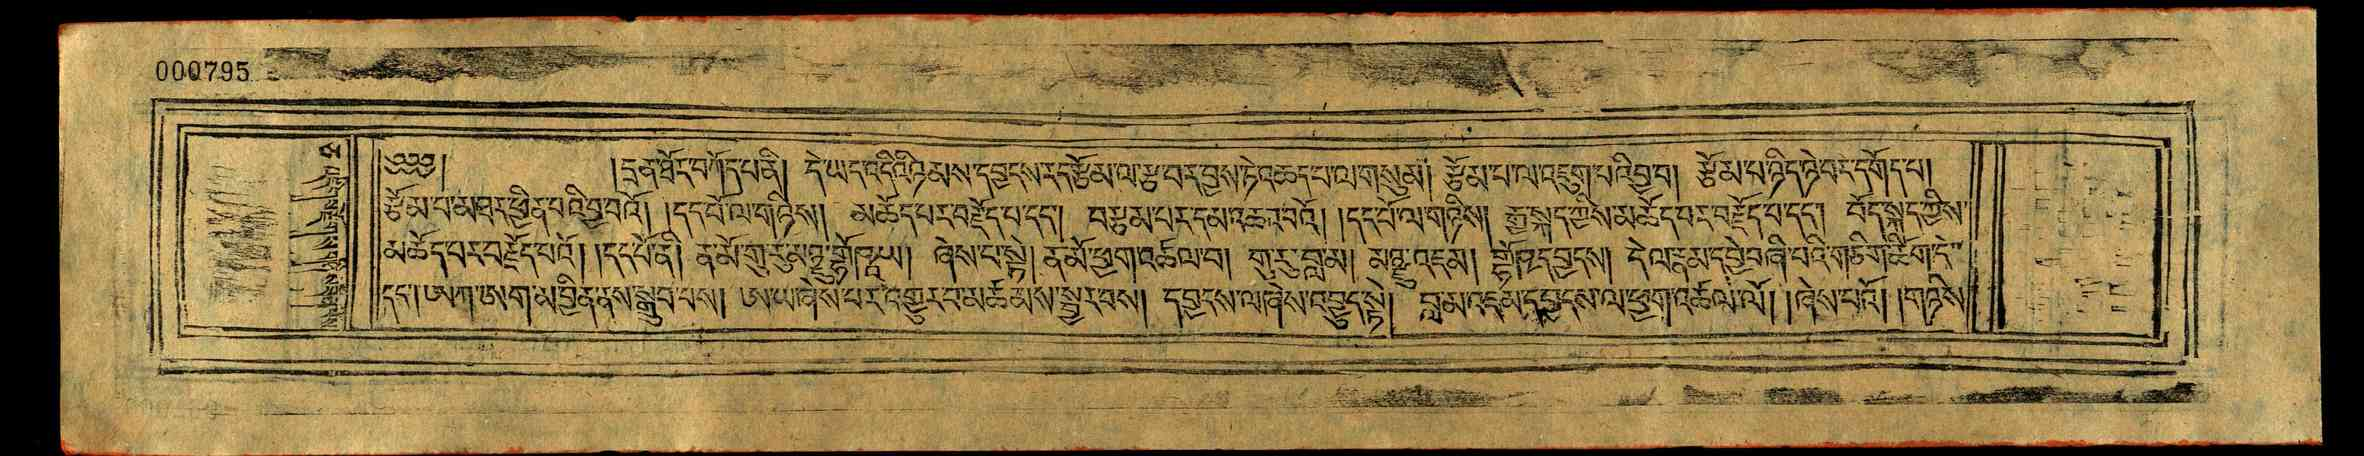༄༅༅། །དྲན་ཐོར་བཀོད་པ་ནི། དེ་ཡང་འདིའི་ཉམས་དབྱངས་རང་རྩོམ་ལ་རྩ་བར་བྱས་ཏེ་འཆད་པ་ལ་གསུམ། རྩོམ་པ་ལ་འཇུག་པའི་བྱ་བ། རྩོམ་པ་ཉིད་ཉེ་བར་དགོད་པ།
རྩོམ་པ་མཐར་ཕྱིན་པའི་བྱ་བའོ། །དང་པོ་ལ་གཉིས། མཆོད་པར་བརྗོད་པ་དང་། བརྩམ་པར་དམ་འཆའ་བའོ། །དང་པོ་ལ་གཉིས། རྒྱ་སྐད་ཀྱིས་མཆོད་པར་བརྗོད་པ་དང་། བོད་སྐད་ཀྱིས་
མཆོད་པར་བརྗོད་པའོ། །དང་པོ་ནི། ན་མོ་གུ་རུ་མཉྫུ་གྷོ་ཥྵ་ཡ། ཞེས་པ་སྟེ། ན་མོ་ཕྱག་འཚལ་བ། གུ་རུ་བླ་མ། མཉྫུ་འཇམ། གྷོ་ཥ་དབྱངས། དེ་ལ་རྣམ་དབྱེ་བཞི་པའི་གཅིག་ཚིག་དེ་
དང༑ ཨཀ་ཨ་ག་མ་བྱིན་ནས་སྒྲུབ་པས། ཨ་ཡ་ཞེས་པར་འགྱུར་བ་མཚམས་སྦྱར་བས། དབྱངས་ལ་ཞེས་འབྱུང་སྟེ། བླ་མ་འཇམ་དབྱངས་ལ་ཕྱག་འཚལ་ལོ། །ཞེས་པའོ། །གཉིས་